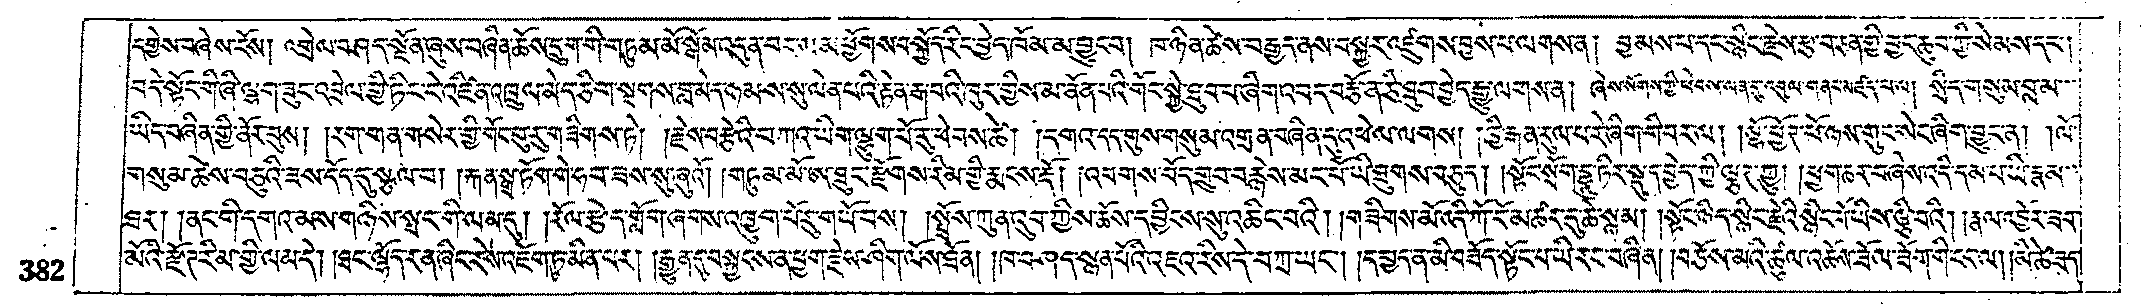དགྱེས་བཞེས་ངོས། འགྲེལ་བཤད་སྔོན་ཞུས་བཞིན་ཆོས་དྲུག་གི་གཏུམ་མོ་སྒོམ་འདུན་བར་ལམ་ཕྱོགས་བསྐྱོད་རིང་བྱེད་ཁོམ་མ་བྱུང་བ། ཁ་ཉིན་ཚེས་བརྒྱད་ནས་བསྐྱར་འཛུགས་བྱས་པ་ལགས་ན། བྱམས་པ་དང་སྙིང་རྗེས་རྩ་བ་ཅན་གྱི་བྱང་ཆུབ་ཀྱི་སེམས་དང་།
བདེ་སྟོང་གི་ཞི་ལྷག་ཟུང་འབྲེལ་གྱི་ཏིང་ངེ་འཛིན་འཁྲུལ་མེད་ཅིག་སྔགས་བླ་མེད་ཉམས་སུ་ལེན་པའི་རྟེན་རྒ་བའི་ཁུར་གྱིས་མ་ནོན་པའི་གོང་སྐྱེ་ཐུབ་པ་ཞིག་འབད་བརྩོན་ཅི་ཐུབ་བྱེད་རྒྱུ་ལགས་ན། ཞེས་སོགས་ཀྱི་ཕེབས་ལན་དུ་འབུལ་གནང་མཛད་པ་ལ།  སྲིད་གསུམ་བླ་མ་་་
ཡིད་བཞིན་གྱི་ནོར་བུས། །རག་གན་གསེར་གྱི་གོང་བུ་རུ་གཟིགས་ཏེ། །རྗེས་བརྩེའི་བཀའ་ཡིག་ལྷུག་པོ་རུ་ཕེབས་ཚེ། །དགའ་དད་གུས་གསུམ་འགྲན་བཞིན་དུ་འཕེལ་ལགས། །ཁྱི་རྒན་རུལ་པ་རེ་ཞིག་གི་བར་ལ། །ལྷོ་ཕྱོཌ་ཕོ་ཉས་གུང་སེང་ཞིག་བྱུང་ན། །ལོ་
གསུམ་ཚེས་བཅུའི་ཟས་དོད་དུ་སྩལ་བ། །རྐན་སྒྲ་ཏོག་གེ་ཧབ་ཟས་སུ་ཞུའོ། །གཏུམ་མོ་ཨ་ཐུང་རྫོགས་རིམ་གྱི་རྨངས་རྡོ། །འཕགས་བོད་གྲུབ་བརྙེས་མང་པོ་ཡི་ཐུགས་བཅུད། །སྟོང་སྲོག་དྷཱུ་ཏིར་སྡུད་བྱེད་ཀྱི་ལྕཌ་ཀྱུ། །ཕྱག་ཆར་བཞེས་འདི་དམ་པ་ཡི་རྣམ་་་
ཐར། །ནང་གི་དགའ་མས་གཉིས་སྤང་གི་ལམ་དུ། །རོལ་རྩེད་གློག་ཞགས་འཁྱུག་པོ་རུ་གཡོ་བས། །སྤྲོས་ཀུན་འུབ་ཀྱིས་ཆོས་དབྱིངས་སུ་འཆིང་བའི། །གཟིགས་མོ་འདི་ཀོ་ངོ་མཚར་དུ་ཆེ་སྙམ། །སྟོང་ཉིད་སྙིང་རྗེའི་སྙིང་པོ་ཡིས་ལྕི་བའི། །རྣལ་འབྱོར་ཟབ་
མོའི་རྫོཌ་རིམ་གྱི་ལམ་དེ། །ཐང་ལྷོད་རན་ཞིང་རེས་འཇོག་ཏུ་མིན་པར། །རྒྱུན་དུ་བསྐྱངས་ན་ཕྱག་རྗེས་ཤིག་ལོས་ཐོན། །ཁ་བཤད་སྙན་པོའི་འཇའ་རིས་དེ་བཀྲ་ཡང་། །དཔྱད་ན་མི་བཟོད་སྟོང་པ་ཡི་རང་བཞིན། །བཅོས་མའི་ཚུལ་འཆོས་ཟོལ་ཟོག་གི་ངང་ལ། །མི་ཚེ་ཟད་